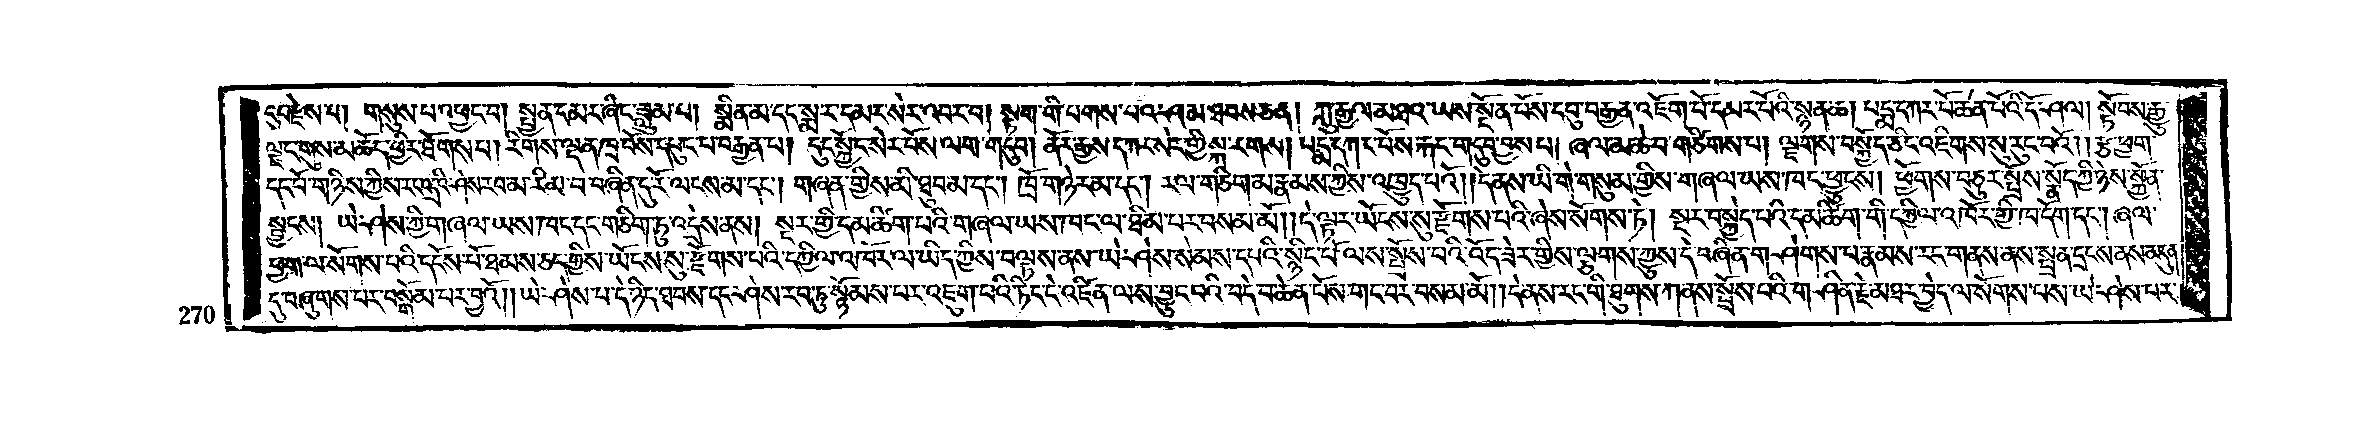དུ་བརྗེས་པ། གསུས་པ་འཕྱང་བ། སྤྱན་དམར་ཞིང་ཟླུམ་པ། སྨིན་མ་དང་སྨར་དམར་སེར་འབར་བ། སྟག་གི་པགས་པའི་ཤམ་ཐབས་ཅན། ཀླུ་རྒྱལ་མཐའ་ཡས་སྔོན་པོས་དབུ་བརྒྱན་འཇོག་པོ་དམར་པོའི་སྙན་ཆ། པདམ་དཀར་པོ་ཆེན་པོའི་དོ་ཤལ། སྟོབས་རྒྱུ་
ལྗང་གུས་མཆོད་ཕྱིར་ཐོགས་པ། རིགས་ལྡན་ཁྲ་བོས་དཔུང་པ་བརྒྱན་པ། དུང་སྐྱོང་སེར་པོས་ལག་གདུབ། ནོར་རྒྱས་དཀར་སེར་གྱི་སྐ་རགས། པདམ་དཀར་པོས་རྐང་གདུབ་བྱས་པ། ཞལ་མཆེ་བ་གཙིགས་པ། ལྗགས་བསྐྱོད་ཅིང་འཇིགས་སུ་རུང་བའོ། །རྩ་ཕྱག་
དང་པོ་གཉིས་ཀྱིས་རང་འདྲའི་ཤེས་རབ་མ་རིམ་པ་བཞིན་དུ་རོ་ལངས་མ་དང་། གཞན་གྱིས་མི་ཐུབ་མ་དང་། ཁྲོ་གཉེར་མ་དང་། རལ་གཅིག་མ་རྣམས་ཀྱིས་འཁྱུད་པའོ། །དེ་ནས་ཡི་གེ་གསུམ་གྱིས་གཞལ་ཡས་ཁང་ཕྱུངས། ཕྱོགས་བཅུར་སྤྲོས་སྣོད་ཀྱི་ཉེས་སྐྱོན་
སྦྱངས། ཡེ་ཤེས་ཀྱི་གཞལ་ཡས་ཁང་དང་གཅིག་ཏུ་འདྲེས་ནས། སྔར་གྱི་དམ་ཚིག་པའི་གཞལ་ཡས་ཁང་ལ་ཐིམ་པར་བསམ་མོ། །དེ་ལྟར་ཡོངས་སུ་རྫོགས་པའི་ཞེས་སོགས་ཏེ། སྔར་བསྐྱེད་པའི་དམ་ཚིག་གི་དཀྱིལ་འཁོར་གྱི་ཁ་དོག་དང་། ཞལ་
ཕྱག་ལ་སོགས་པའི་དངོས་པོ་ཐམས་ཅད་ཀྱིས་ཡོངས་སུ་རྫོགས་པའི་དཀྱིལ་འཁོར་ལ་ཡིད་ཀྱིས་བལྟས་ནས་ཡེ་ཤེས་སེམས་དཔའི་སྙིང་པོ་ལས་སྤྲོས་པའི་འོད་ཟེར་གྱིས་ལྕགས་ཀྱུས་དེ་བཞིན་གཤེགས་པ་རྣམས་རང་གནས་ནས་སྤྲན་དྲངས་ནས་མདུན་
དུ་བཞུགས་པར་བསྒོམ་པར་བྱའོ། །ཡེ་ཤེས་པ་དེ་ཉིད་ཐབས་དང་ཤེས་རབ་ཏུ་སྙོམས་པར་འཇུག་པའི་ཏིང་ངེ་འཛིན་ལས་བྱུང་བའི་བདེ་བ་ཆེན་པོས་གང་བར་བསམ་མོ། །དེ་ནས་རང་གི་ཐུགས་ཀ་ནས་སྤྲོས་པའི་གཤིན་རྗེ་མཐར་བྱེད་ལ་སོགས་པས་ཡེ་ཤེས་པར་